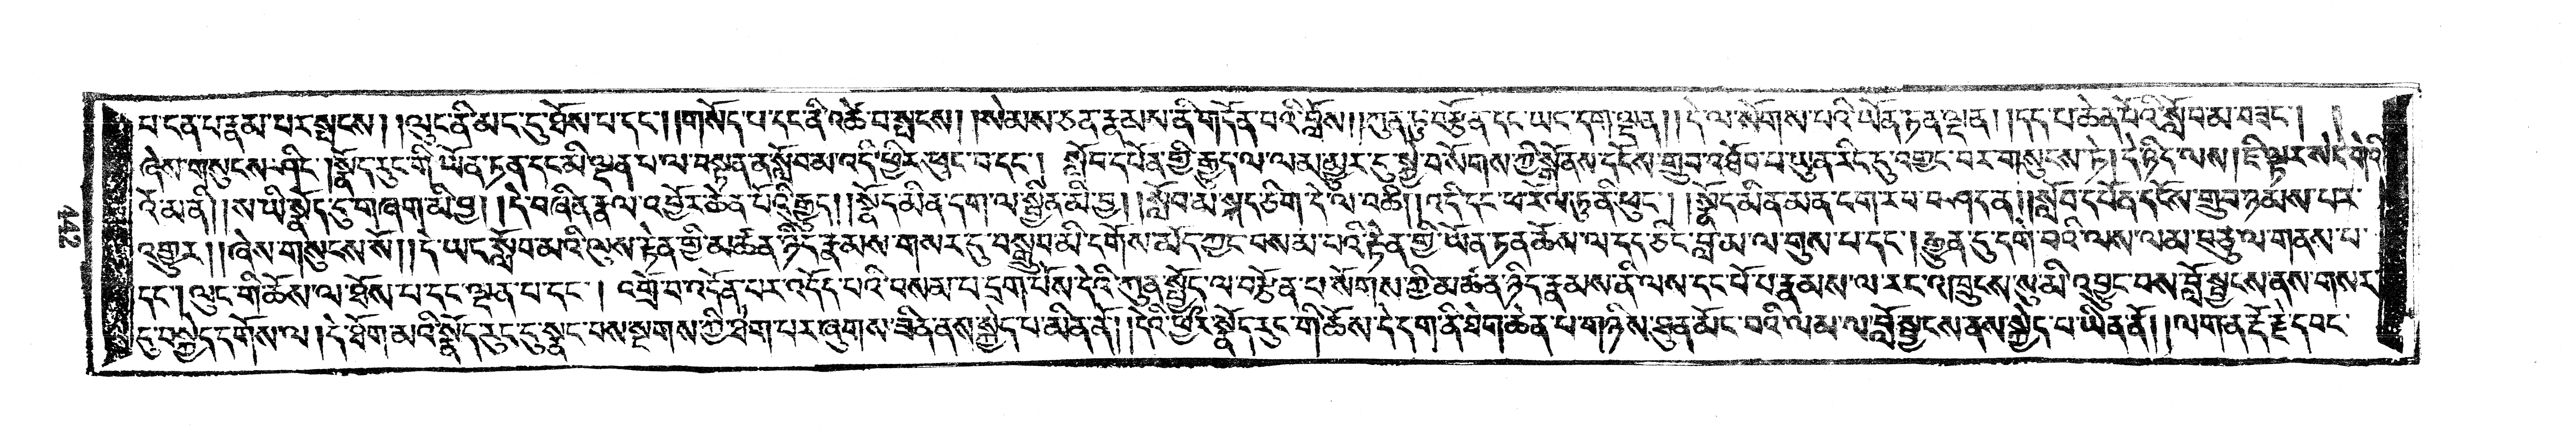པ་ངན་པ་རྣམ་པར་སྤངས། །ལུང་ནི་མང་དུ་ཐོས་པ་དང་། །གསོད་པ་དང་ནི་འཚེ་བ་སྤངས། །སེམས་ཅན་རྣམས་ནི་གདོན་པའི་བློས། །ཀུན་ཏུ་བརྩོན་དང་ཡང་དག་ལྡན། །དེ་ལ་སོགས་པའི་ཡོན་ཏན་ལྡན། །དད་པ་ཆེན་པོའི་སློབ་མ་བཟང་། །
ཞེས་གསུངས་ཤིང་། སྣོད་རུང་གི་ཡོན་ཏན་དང་མི་ལྡན་པ་ལ་བསྟན་ན་སློབ་མ་འདི་ཕྱིར་ཕུང་བ་དང་། སློབ་དཔོན་གྱི་རྒྱུད་ལ་ལམ་མྱུར་དུ་སྐྱེ་བ་སོགས་ཀྱི་སྒོ་ནས་དངོས་གྲུབ་འཐོབ་པ་ཡུན་རིང་དུ་འགྱང་བར་གསུངས་ཏེ། དེ་ཉིད་ལས། ཇི་ལྟར་སེང་གེའི་
འོ་མ་ནི། །ས་ཡི་སྣོད་དུ་གཞག་མི་བྱ། །དེ་བཞིན་རྣལ་འབྱོར་ཆེན་པོའི་རྒྱུད། །སྣོད་མིན་དག་ལ་སྦྱིན་མི་བྱ། །སློབ་མ་སྐད་ཅིག་དེ་ལ་འཆི། །འདི་དང་ཕ་རོལ་ཏུ་ནི་ཕུང་། །སྣོད་མིན་མན་ངག་རབ་བཤད་ན། །སློབ་དཔོན་དངོས་གྲུབ་ཉམས་པར་
འགྱུར། །ཞེས་གསུངས་སོ། །དེ་ཡང་སློབ་མའི་ལུས་རྟེན་གྱི་མཚན་ཉིད་རྣམས་གསར་དུ་བསྒྲུབ་མི་དགོས་མོད་ཀྱང་བསམ་པའི་རྟེན་གྱི་ཡོན་ཏན་ཆོས་ལ་དད་ཅིང་བླ་མ་ལ་གུས་པ་དང་། རྒྱུན་དུ་དགེ་བའི་ལས་ལམ་བཅུ་ལ་གནས་པ་
དང་། ལུང་གི་ཆོས་ལ་ཐོས་པ་དང་ལྡན་པ་དང་། འགྲོ་བ་འདོན་པར་འདོད་པའི་བསམ་པ་དྲག་པོས་དེའི་ཀུན་སྤྱོད་ལ་བརྩོན་པ་སོགས་ཀྱི་མཚན་ཉིད་རྣམས་ནི་ལས་དང་པོ་པ་རྣམས་ལ་རང་འཁྲུངས་སུ་མི་འབྱུང་བས་བློ་སྦྱངས་ནས་གསར་
དུ་བསྐྱེད་དགོས་ལ། དེ་ཐོག་མའི་སྣོད་རུང་དུ་སྣང་བས་སྔགས་ཀྱི་ཐེག་པར་ཞུགས་ཟིན་ནས་སྐྱེད་པ་མིན་ནོ། །དེའི་ཕྱིར་སྣོད་རུང་གི་ཆོས་དེ་དག་ནི་ཐེག་ཆེན་པ་གཉིས་ཐུན་མོང་བའི་ལམ་ལ་བློ་སྦྱངས་ནས་སྐྱེད་པ་ཡིན་ནོ། །ལག་ན་རྡོ་རྗེ་དབང་